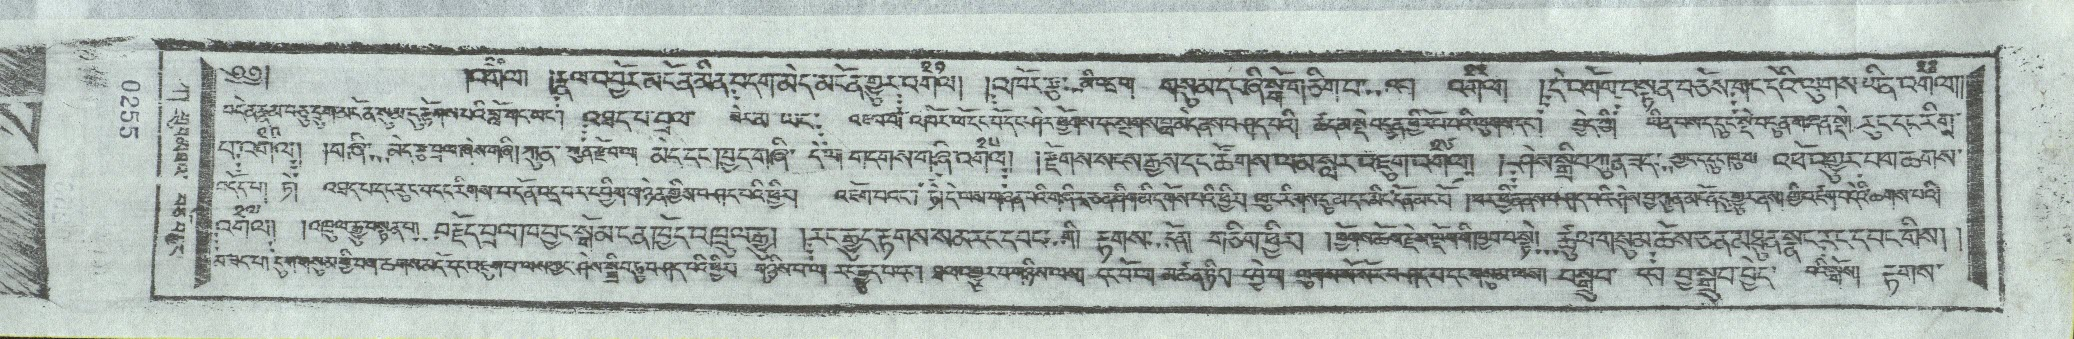༄༅། །འགལ། །རྣལ་འབྱོར་མངོན་མིན་བདག་མེད་མངོན་གྱུར་འགལ། །འཁོར་རྩ་མི་འདྲ་བ། གསུམ་དང་བཞི་སྒོ་གཅིག་པ་འང་། འགལ། །དེ་འགོག་བསྟན་བཅོས་གང་དེའི་ལུགས་ཡིན་འགལ་
བདེན་རྣམ་བཅུ་དྲུག་མྥོ?་སུམ་དུ་རྟོགས་པའི་བློ་གང་ཡང་། འཐད་པ་བྲལ་ཟེར་ན། ཡང་འཇལ་བ། འཁོར་ཡོ་དང་བོ་དང་ཤེར་ཕྱོགས་དང་སྔགས་བླ་མེད་ནས་བཤད་པའི། ཚད་མ་སྡེ་བདུན་ཕྱི་རོལ་བའི་ལུགས་དང་། བྱེད་ཀྱི། ཡིན་པས་ད་དུང་སྡེ་བདུན་གཞན་སྟེ། རུང་དང་རིགས་
པ་འགལ། །གཞི་མེད་རྩ་བྲལ་ཞེས་གཞི། ཀུན་ཀུན་རྫོབ་ལ། མེད་དང་ཁྱད་གཞི་དེ་ལ། གདགས་གཞི་འགལ། །རྫོགས་སངས་རྒྱས་དང་ཚོགས་ལམ་སླར་འཇུག་འགལ། །ཤེས་སྒྲིབ་ཀུན་ཟད་ཀྱང་ད་དུང་ཁུ་བ། འཕོ་འགྱུར་བ་ཀ་ཆགས་
འདོད་པ། ཏོ། འཐད་པ་དང་རུང་བདང་རིགས་པ་དོན་འདྲ་བར་དབྱིག་གཉེན་གྱིས་བཤད་པའི་ཕྱིར། འཇོག་པའང་། ཏེ། དེ་ལས་གཞན་པའི་གཞི་རྭ་ཅན་ཞིག་ཆི་དགོས་པའི་ཕྱིར། ལུང་རིགས་དུ་མདང་མིང་དོན་མང་ངོ། །ཕར་ཕྱིན་ནས་བཤད་པའི་ཤེས་བྱ་ཀུན་མངོན་དུ་གྱུར་ནས། གྱི་འཛག་བདེའི་ཆགས་པའི།
འགལ། །འཁྲུལ་རྒྱུ་བསྟན་པ། བརྗོད་བྲལ་ཁ་བྱང་སྒོམ་ངན་ཁྱོད་འཁྲུལ་རྒྱུ། །རང་རྒྱུད་རྟགས་སམ་རང་དབངས་གི །རྟགས་དོན། གཅིག་ཕྱིར། །ཕྱོགས་ཆོས་རྗེས་ལྡོག་གི་ཁྱབ་པ་སྟེ། ཚུལ་གསུམ་ཚེས་ཅན་མཐུན་སྣང་རང་དབང་གིས། །
མ་ཟད་པ། དུག་གསུམ་གྱི་བག་ཆགས་མདོ་དང་འཇུག་པ་ལས་ཀྱང་ཤེས་སྒྲིབ་ཏུ་བཤད་པའི་ཕྱིར། གཉིས་པ་ལ། རང་རྒྱུད་པ་དང་། ཐལ་འགྱུར་བ་གཉིས་ལས། དང་པོ་ལ། མཚན་ཉིད། དབྱེ་བ། ལུགས་སོ་སོང་བཤད་པ་དང་གསུམ་ལས། བསྒྲུབ་དང་། བྱ་སྒྲུབ་བྱེད་བའི་སྒྲོས། རྟགས་